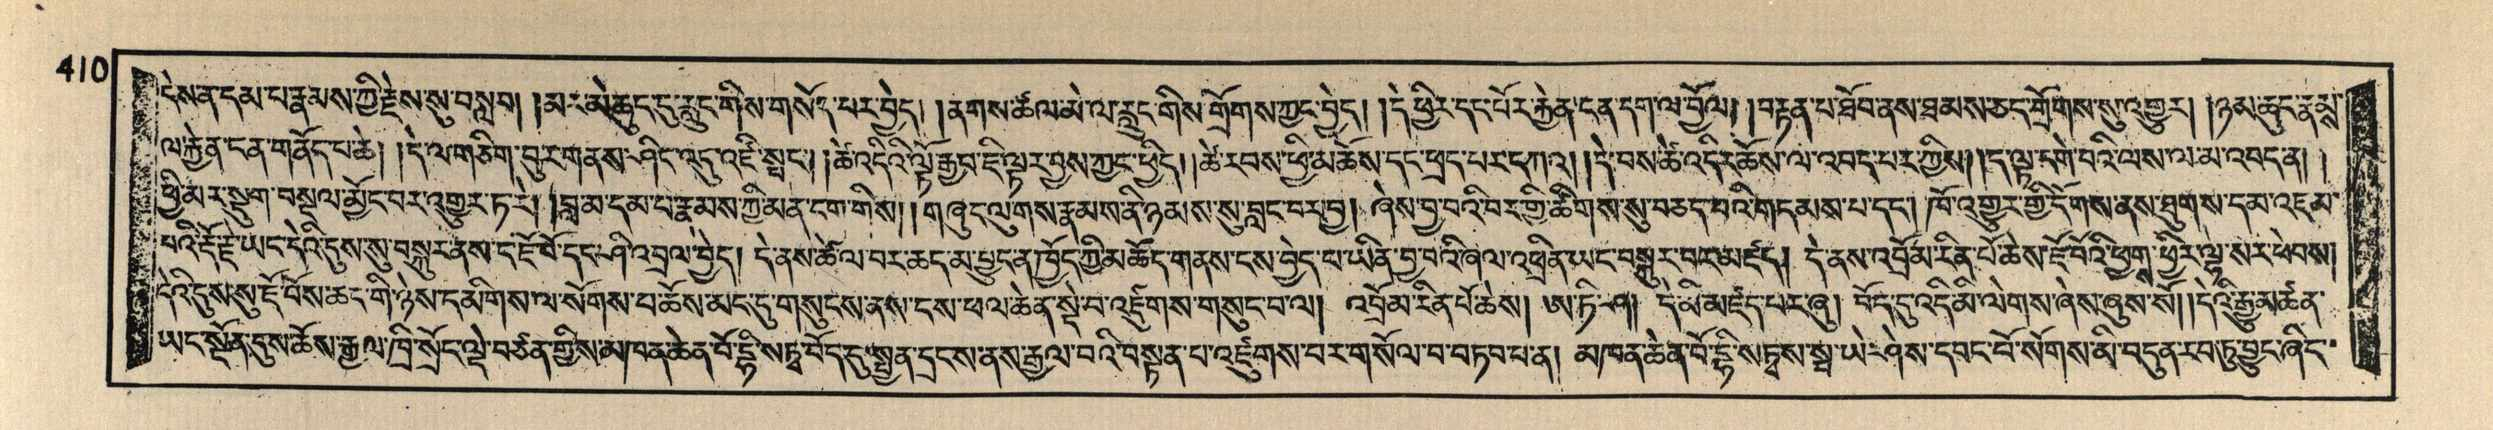དེས་ན་དམ་པ་རྣམས་ཀྱི་རྗེས་སུ་བསླབ། །མར་མེ་ཆུང་དུ་རླུང་གིས་གསོད་པར་བྱེད། །ནགས་ཚལ་མེ་ལ་རླུང་གིས་གྲོགས་ཀྱང་བྱེད། །དེ་ཕྱིར་དང་པོར་རྐྱེན་ངན་དག་ལ་བྱོལ། །བརྟན་པ་ཐོབ་ནས་ཐམས་ཅད་གྲོགས་སུ་འགྱུར། །ཉམ་ཆུང་རྣམས་
ལ་རྐྱེན་ངན་གནོད་པ་ཆེ། །དེ་ལ་གཅིག་བུར་གནས་ཤིང་འདུ་འཛི་སྤང་། །ཚེ་འདིའི་ལྟོ་རྒྱབ་ཇི་ལྟར་བྱས་ཀྱང་ཕྱིད། །ཚེ་རབས་ཕྱི་མཆོས་དང་ཕྲད་པར་དཀའ། །དེ་བས་ཚེ་འདིར་ཆོས་ལ་འབད་པར་ཀྱིས། །ད་ལྟ་དགེ་བའི་ལས་ལ་མ་འབད་ན། །
ཕྱི་མར་སྡུག་བསྔལ་མྱོང་བར་འགྱུར་ཏ་རེ། །བླ་མ་དམ་པ་རྣམས་ཀྱི་མན་ངག་གིས། །གཞུང་ལུགས་རྣམས་ནི་ཉམས་སུ་བླང་བར་བྱ། ཞེས་བྱ་བའི་བར་གྱི་ཚིགས་སུ་བཅད་པའི་གདམས་པ་དང་། ཁོ་འགྱུར་གྱི་དོགས་ནས་ཐུགས་དམ་འཇམ་
པའི་རྡོ་རྗེ་ཡང་དེའི་དུས་སུ་བསྐུར་ནས་ང་ཇོ་བོ་དང་ཤི་འབྲལ་བྱེད། དེ་ནས་ཚེ་ལ་བར་ཆད་མ་བྱུང་ན་ཁྱོད་ཀྱི་མཆོད་གནས་ངས་བྱེད་པ་ཡིན་བྱ་བའི་ཞལ་འཕྲིན་ཡང་བསྐུར་བར་མཛད། དེ་ནས་འབྲོམ་རིན་པོ་ཆེས་ཇོ་བོའི་ཕྱགས་ཕྱིར་ལྷ་སར་ཕེབས།
དེའི་དུས་སུ་ཇོ་བོས་ཆད་གི་ཉེས་དམིགས་ལ་སོགས་བ་ཆོས་མང་དུ་གསུངས་ནས་གནས་ཕལ་ཆེན་སྡེ་བ་འཛུགས་གསུང་བ་ལ། འབྲོམ་རིན་པོ་ཆེས། ཨ་ཏི་ཤ། དེ་མི་མཛད་པར་ཞུ། བོད་དུ་འདི་མི་ལེགས་ཞེས་ཞུས་སོ། །དེའི་རྒྱུ་མཚན་
ཡང་སྔོན་དུས་ཆོས་རྒྱལ་ཁྲི་སྲོང་ལྡེ་བཙན་གྱིས་མཁན་ཆེན་བོ་དྷི་སཏྭ་བོད་དུ་སྤྱན་དྲངས་ནས་རྒྱལ་བའི་བསྟན་པ་འཛུགས་པར་གསོལ་བ་བཏབ་པ་ན། མཁན་ཆེན་བོ་དྷི་སཏྭས་སྦ་ཡེ་ཤེས་དབང་པོ་སོགས་མི་བདུན་རབ་ཏུ་བྱུང་ཞིང་